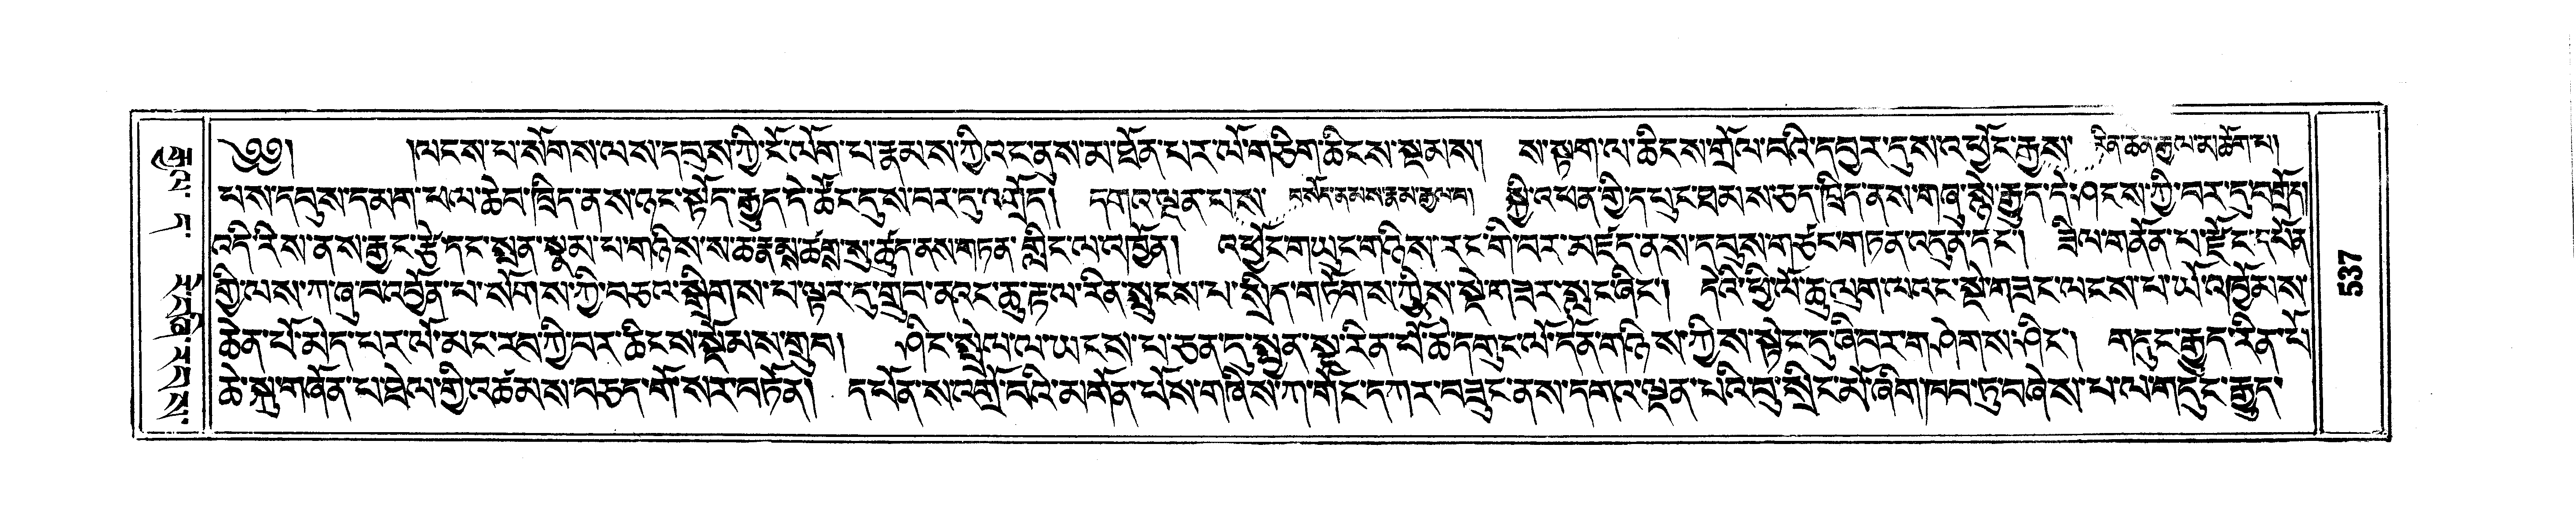༄༅། །ལངས་པ་སོགས་ལས་དབུས་ཀྱི་ངོ་ལོག་པ་རྣམས་ཀྱིའང་ནུས་མ་ཐོན་པར་ལོ་གཅིག་ཆིངས་སྡམས། ས་སྟག་ལ་ཆིངས་གྲོལ་བའི་དབྱར་དུས་འཕྱོང་རྒྱས་རིན་ཆེན་རྒྱལ་མཆོག་པ།
པས་དབུས་དམག་ཕལ་ཆེབ་ཁྲིད་ནས་ཉང་སྟོད་རྒྱུད་དེ་ཚོང་དུས་བར་དུ་འགྲོད། དགའ་ལྡན་པས་བསོད་ནམས་རྣམ་རྒྱལ་བ།  སྐྱི་འཕན་གྱི་དཔུང་ཐམས་ཅད་ཁྲིད་ནས་གཞུ་སྙེ་རྒྱུད་དེ་ཤངས་ཀྱི་བར་དུ་བགྲོད།
འདི་རིས་ནས་རྒྱང་རྩེ་དང་སྤན་སྣམ་པ་གཉིས་ས་ཆ་རྣམས་ཚགས་སུ་ཚུད་ནས་གཏན་གླིང་ལ་འཁྱོན། འཕྱོང་གཡུང་གཉིས་རང་གི་བར་མཛད་ནས་དབུས་གཙང་གཏན་འདུན་དང་། ཟིལ་གནོན་པ་རྫོང་དཔོན་
གྱི་ལས་ཀ་ཞུ་བ་འབྱོན་པ་སོགས་ཀྱི་བཅའ་སྒྲིགས་པ་ལྟར་དུ་གྲུབ་ནའང་ཆུ་རྟ་ལ་རིན་སྤུངས་པ་སྲིད་གཏོགས་ཀྱིས་སྡེ་གཟར་སླང་ཞིང་། དེའི་ཕྱི་ལོ་ཆུ་ལུག་ལའང་སྡེ་གཟང་ལངས་པ་ཡོ་འཁྱོམས་
ཆེན་པོ་མེད་པར་ལོ་མང་རབ་ཀྱི་བར་ཆིངས་སྡོམས་གྲུབ། ཤིང་སྤྲེལ་ལ་ཡངས་པ་ཅན་དུ་སྤྱན་སྔ་རིན་པོ་ཆེ་དགུང་ལོ་དོན་གཉིས་ཀྱིས་སྟེང་དུ་ཞི་བར་གཤེགས་ཤིང་། གདུང་རྒྱུད་རིན་པོ་
ཆེ་སྐུ་གཞོན་པ་ཐེལ་གྱི་འཚམས་བཅད་གོ་སར་བཏོན། དཔོན་ས་འགྲོ་བའི་མགོན་པོས་གཞིས་ཀ་གོང་དཀར་བཟུང་ནས་དགའ་ལྡན་པའི་བུ་སྲིང་མོ་ཞིག་ཁབ་ཏུ་བཞེས་པ་ལ་གདུང་རྒྱུད་